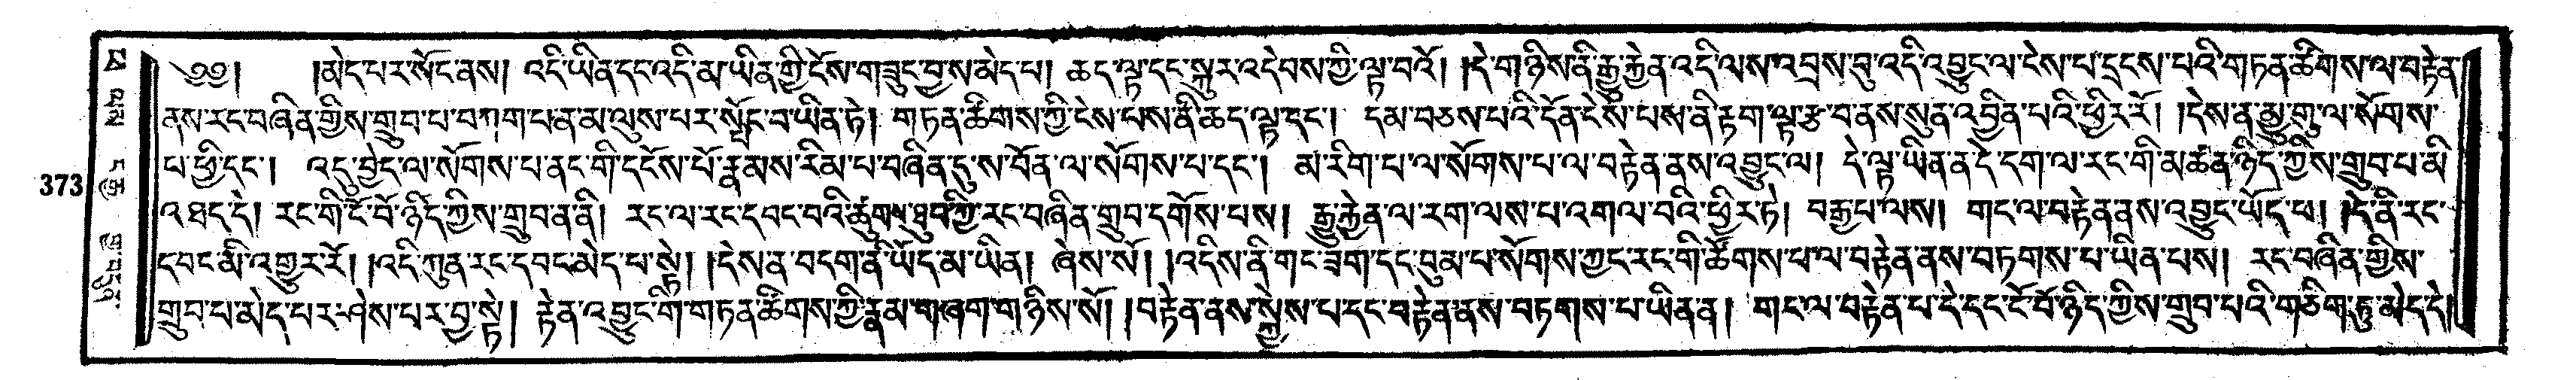༄༅། །མེད་པར་སོང་ནས། འདི་ཡིན་དང་འདི་མ་ཡིན་གྱི་ངོས་གཟུང་བྱ་ས་མེད་པ། ཆད་ལྟ་དང་སྐུར་འདེབས་ཀྱི་ལྟ་བའོ། །དེ་གཉིས་ནི་རྒྱུ་རྐྱེན་འདི་ལས་འབྲས་བུ་འདི་འབྱུང་ལ་ངེས་པ་དྲངས་པའི་གཏན་ཚིགས་ལ་བརྟེན་
ནས་རང་བཞིན་གྱིས་གྲུབ་པ་བཀག་པ་ན་མ་ལུས་པར་སྤོང་བ་ཡིན་ཏེ། གཏན་ཚིགས་ཀྱི་ངེས་པས་ནི་ཆད་ལྟ་དང་། དམ་བཅས་པའི་དོན་ངེས་པས་ནི་རྟག་ལྟ་རྩ་བ་ནས་སུན་འབྱིན་པའི་ཕྱིར་རོ། །དེས་ན་མྱུ་གུ་ལ་སོགས་
པ་ཕྱི་དང་། འདུ་བྱེད་ལ་སོགས་པ་ནང་གི་དངོས་པོ་རྣམས་རིམ་པ་བཞིན་དུ་ས་བོན་ལ་སོགས་པ་དང་། མ་རིག་པ་ལ་སོགས་པ་ལ་བརྟེན་ནས་འབྱུང་ལ། དེ་ལྟ་ཡིན་ན་དེ་དག་ལ་རང་གི་མཚན་ཉིད་ཀྱིས་གྲུབ་པ་མི་
འཐད་དེ། རང་གི་ངོ་བོ་ཉིད་ཀྱིས་གྲུབ་ན་ནི། རང་ལ་རང་དབང་བའི་ཚུགས་ཐུབ་ཀྱི་རང་བཞིན་གྲུབ་དགོས་པས། རྒྱུ་རྐྱེན་ལ་རག་ལས་པ་འགལ་བའི་ཕྱིར་ཏེ། བརྒྱ་པ་ལས། གང་ལ་བརྟེན་ནས་འབྱུང་ཡོད་པ། །དེ་ནི་རང་
དབང་མི་འགྱུར་རོ། །འདི་ཀུན་རང་དབང་མེད་པ་སྟེ། །དེས་ན་བདག་ནི་ཡོད་མ་ཡིན། ཞེས་སོ། །འདིས་ནི་གནག་ཟག་དང་བུམ་པ་སོགས་ཀྱང་རང་གི་ཚོགས་པ་ལ་བརྟེན་ནས་བཏགས་པ་ཡིན་པས། རང་བཞིན་གྱིས་
གྲུབ་པ་མེད་པར་ཤེས་པར་བྱ་སྟེ། རྟེན་འབྱུང་གི་གཏན་ཚིགས་ཀྱི་རྣམ་གཞག་གཉིས་སོ། །བརྟེན་ནས་སྐྱེས་པ་དང་བརྟེན་ནས་བཏགས་པ་ཡིན་ན། གང་ལ་བརྟེན་པ་དེ་དང་ངོ་བོ་ཉིད་ཀྱིས་གྲུབ་པའི་གཅིག་ཏུ་མེད་དེ།